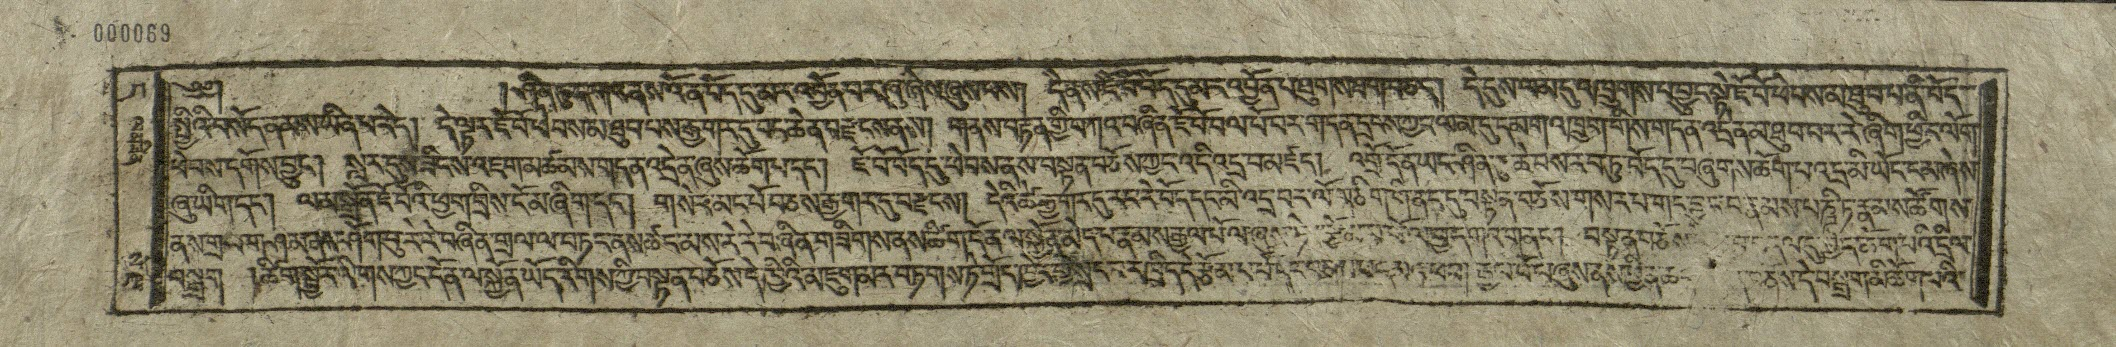༄༅། །ཤིན་ཏུ་དགའ་ནས་འོ་ན་བོད་དུ་མར་འབྱོན་པར་ཞུ་ཞེས་ཞུས་པས། དེ་ནས་ཇོ་བོ་བོད་དུ་མར་འབྱོན་པ་ཐུགས་ཐག་བཅད། དེ་དུས་ལམ་དུ་འཁྲུགས་པ་བྱུང་སྟེ་ཇོ་བོ་ཕེབས་མ་ཐུབ་པ་ནི་བོད་
སྤྱིའི་བསོད་ནམས་ཡིན་པ་རེད། དེ་ལྟར་ཇོ་བོ་ཕེབས་མ་ཐུབ་པས་རྒྱ་གར་དུ་བང་ཆེན་བརྫངས་ནས། གནས་བརྟན་གྱི་བཀའ་བཞིན་ཇོ་བོ་བལ་པོ་བར་གདན་དྲངས་ཀྱང་ལམ་དུ་དམག་འཁྲུག་གིས་གདན་འདྲེན་མ་ཐུབ་བར་རེ་ཞིག་ཕྱིར་ལོག་
ཕེབས་དགོས་བྱུང་། སླར་དུས་ཟིངས་འཇག་མཚམས་གདན་འདྲེན་ཞུས་ཆོས་པ་དང་། ཇོ་བོ་བོད་དུ་ཕེབས་ནས་བསྟན་བཅོས་ཀྱང་འདི་འདྲ་བ་མཛད། འགྲོ་དོན་ཡང་ཤིན་ཏུ་ཆེ་བས་རབ་ཏུ་བོད་དུ་བཞུགས་ཆོག་པ་འདྲ་མི་ཡོང་ངམ་ཞེས་
ཞུ་ཡིག་དང་། ལམ་སྒྲོན་ཇོ་བོའི་ཕྱག་བྲིས་ངོ་མ་ཞིག་དང་། གསེར་མང་པོ་བཅས་རྒྱ་གར་དུ་བརྫངས། དེའི་ཚེ་རྒྱ་གར་དུ་རང་རེ་བོད་དང་མི་འདྲ་བར་ལོ་གཅིག་གི་ནང་དུ་བསྟན་བཅོས་གསར་པ་གང་བྱུང་བ་རྣམས་པཎྜི་ཏ་རྣམས་ཚོགས་
ནས་གྲལ་གཤམ་ནས་ཤོག་བུ་རེ་རེ་བཞིན་གྲལ་ལ་བཏང་ནས་ཚང་མས་རེ་རེ་བཞིན་གཟིགས་ནས་ཚིག་དོན་ལ་སྐྱོན་མེད་པ་རྣམས་རྒྱལ་པོ་ལ་ཞུས་ཏེ་རྩོམ་པ་པོ་ལ་བྱ་དགའ་གནང་། བསྟན་བཅོས་དེ་ཁྱབ་གདལ་དུ་བྱེད་ཆོས་པའི་དྲིལ་
བསྒྲག །ཚིག་སྦྱོར་ལེགས་ཀྱང་དོན་ལ་སྐྱོན་ཡོད་རིགས་ཀྱི་བསྟན་བཅོས་དེ་ཁྱིའི་མཇུག་མར་བཏགས་ཏེ་གྲོང་ཁྱེར་གྱི་སྲང་བར་ཁྲིད་དེ་རྩོམ་པ་པོ་དང་བཅས་པ་དམའ་ཕབ། རྒྱལ་པོ་ལ་ཞུས་ནས་ཕྱིན་ཆད་བསྟན་བཅོས་དེ་བསྒྲག་མི་ཆོག་པའི་